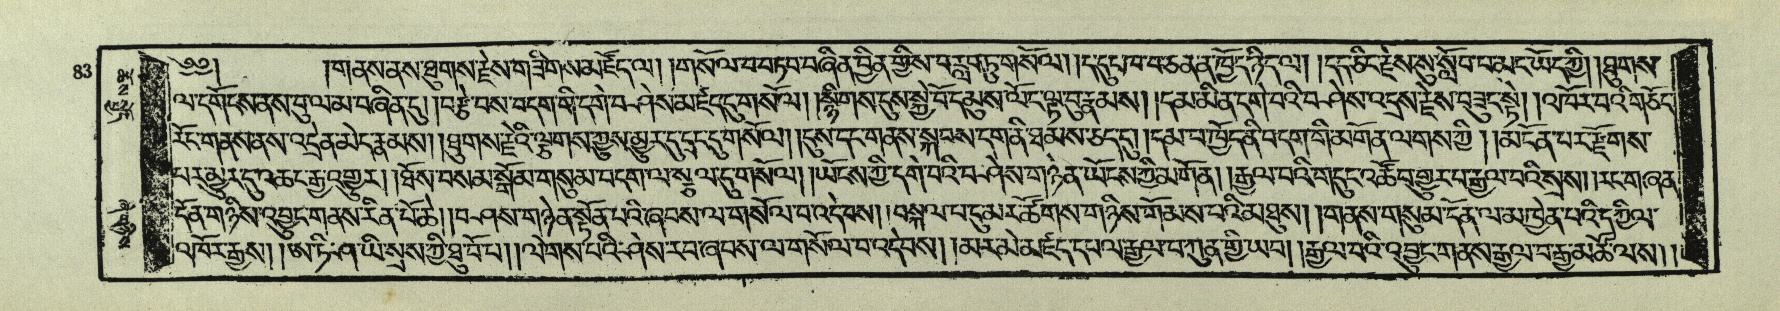༄༅། །གནས་ནས་ཐུགས་རྗེས་གཟིགས་མཛོད་ལ། །གསོལ་བ་བཏབ་བཞིན་བྱིན་གྱིས་བརླབ་ཏུ་གསོལ། །ད་དུང་ཁ་བ་ཅན་ན་ཁྱོད་ཉིད་ལ། །དད་ཅིང་རྗེས་སུ་སློབ་པ་མང་ཡོད་ཀྱི། །ཐུགས་
ལ་དགོངས་ནས་བུ་ལ་མ་བཞིན་དུ། །བརྩེ་བས་བདག་གི་དགེ་བཤེས་མཛད་དུ་གསོལ། །སྙིགས་དུས་སྐྱེ་བོ་དམུས་ལོང་ལྟ་བུ་རྣམས། །དམ་མིན་དགེ་བའི་བཤེས་འདྲས་རྗེས་བཟུང་སྟེ། །འཁོར་བའི་གཅོང་
རོང་གནས་ནས་འདྲེན་མེད་རྣམས། །ཐུགས་རྗེའི་ལྕགས་ཀྱུས་མྱུར་དུ་དྲང་དུ་གསོལ། །དུས་དང་གནས་སྐབས་དག་ནི་ཐམས་ཅད་དུ། །དམ་པ་ཁྱོད་ནི་བདག་གི་མགོན་ལགས་ཀྱི། །མངོན་པར་རྫོགས་
པར་མྱུར་དུ་འཆང་རྒྱ་འགྱུར། །ཐོས་བསམ་སྒོམ་གསུམ་བདག་ལ་སྩལ་དུ་གསོལ། །ཡོངས་ཀྱི་དགེ་བའི་བཤེས་གཉེན་ཡོངས་ཀྱི་མགོན། །རྒྱལ་བའི་གདུང་འཚོ་བ་གྱུར་པ་རྒྱལ་བའི་སྲས། །རང་གཞན་
དོན་གཉིས་འབྱུང་གནས་རིན་པོ་ཆེ། །བཤས་གཉེན་སྟོན་པའི་ཞབས་ལ་གསོལ་བ་འདེབས། །བསྐལ་པ་དུ་མར་ཚོགས་གཉིས་གོམས་པའི་མཐུས། །གནས་གསུམ་དོན་ལ་མཁྱེན་པའི་དཀྱིལ་
འཁོར་རྒྱས། །ཨ་ཏི་ཤ་ཡི་སྲས་ཀྱི་ཐུ་བོ་པ། །ལེགས་པའི་ཤེས་རབ་ཞབས་ལ་གསོལ་བ་འདེབས། །མར་མེ་མཛད་དཔལ་རྒྱལ་བ་ཀུན་གྱི་ཡབ། །རྒྱལ་བའི་འབྱུང་གནས་རྒྱལ་བ་རྒྱ་མཚོ་ལས།།